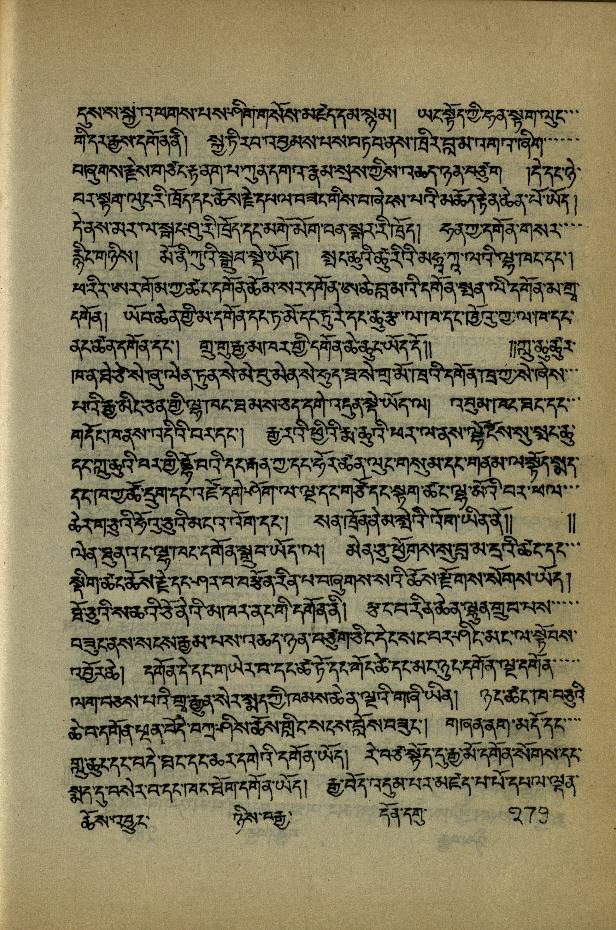དུས་ས་སྐྱ་འཕགས་པས་ཤིག་གསོས་མཛད་དམ་སྙམ། ཡང་སྟོད་ཀྱི་ཕན་སྟག་ལུང་
གི་དར་རྒྱས་དགོན་ནི། སྐྱ་ཏི་རབ་འབྱམས་པས་བཏབ་ནས་ཁྲིར་བླ་མ་འགའ་ཞིག་
བཞུགས་རྗེས་གཙང་རྟ་ནག་པ་ཀུན་དགའ་རྣམ་སྲས་ཀྱིས་འཆད་ཉན་བཙུག །དེ་དང་ཉེ་
བར་སྟག་ལུང་རི་ཁྲོད་དང་ཆོས་རྗེ་དཔལ་བཟང་གིས་བཞེངས་པའི་མཆོད་རྟེན་ཆེན་པོ་ཡོད།
དེ་ནས་མར་ལ་སྒང་ཤུ་རི་ཁྲོད་དང་མགོ་མོག་བན་སྒར་རི་ཁྲོད། ཧན་ཀྱ་དགོན་གསར་
རྙིང་གཉིས། མོ་ནི་ཀུའི་སྒྲུབ་སྡེ་ཡོད། སྤང་ཆུའི་ཚུ་རིའི་མཧཱ་ཀཱ་ལའི་ལྷ་ཁང་དང་།
ཕ་རིར་ཨར་གོམ་ཀྱ་ཚང་དགོན་ཆོམ་སར་དགོན་ཨ་ཆེ་བླ་མའི་དགོན་སྤན་ལི་དགོན་མ་གྲྭ་
དགོན། ཡོབ་ཆེན་གྱི་མ་དགོན་དང་ཏ་མོ་དང་ཏུ་རེ་དང་ཆུ་རྩ་ལ་ཁ་དང་ཁྱོའུ་ཀྱ་ལ་ཁ་དང་
ནང་ཚན་དགོན་དང་། གྲུ་གུ་རྒྱ་མཁར་གྱི་དགོན་ཆེ་ཆུང་ཡོད་དོ།། །།ཀླུ་ཆུ་ཚུར་
ཁ་ན་ཐེ་ཙེ་སེ་ཞུ་ལེན་ཏུན་སེ་མེ་བུ་མེན་སེ་ཧུད་ཐ་སེ་གྲ་མོ་ཁྲའི་དགོན་ཁྲ་ཀྱ་སེ་ཞེས་
པའི་རྒྱ་མིང་ཅན་གྱི་ལྷ་ཁང་ཐམས་ཅད་དགེ་འདུན་སྡེ་ཡོད་ལ། འབུམ་ཁང་ཐང་དང་
གདོང་ཁ་ནས་འདིའི་བར་དང་། རྒྱ་རའི་ཕྱིའི་རྨ་ཆུའི་ཕར་ལ་ནས་ལྷོ་ངོས་སུ་སྤང་ཆུ་
དང་ཀླུ་ཆུའི་བར་གྱི་དྷོ་བའི་དང་རྒན་ཀྱ་དང་ཧོར་ཚན་ལུང་གསུམ་དང་གནམ་ལ་སྟོད་སྨད་
དང་ཁ་ཀྱ་ཚོ་དྲུག་དང་འཛོ་དགེ་ཤོག་ལ་ལྔ་དང་གཙོ་དང་སྟག་ཚང་ལྷ་མོའི་བར་ཕལ་
ཆེར་ག་ཅུའི་ཧོའུ་ཅུའི་མངའ་འོག་དང་། སན་ཁྲོན་ནེམ་སྤེའི་འོག་ཡིན་ནོ།། །།
ལེན་ཐུནཱང་ལྷ་ཁང་དགོན་སྒྲུབ་ཡོད་ལ། མེན་ཅུ་ཕྱོགས་སུ་བླ་མ་དྲའི་ཚང་དང་
སྡིག་ཚང་ཆོས་རྗེ་དང་ཤར་བ་བརྩོན་རིན་པ་བཞུགས་སའི་ཆོས་རྫོགས་སོགས་ཡོད།
ཐོ་ཅུའི་ས་ཆའི་ཅོ་ནེའི་མཁར་ནང་གི་དགོན་ནི། རྩང་བ་རིན་ཆེན་ལྷུན་གྲུབ་པས་
བཟུང་ནས་སངས་རྒྱས་པས་འཆད་ཉན་བཙུག་ཅིང་དེང་སང་བར་ཤིང་མང་ལ་སྟོབས་
འབྱོར་ཆེ། དགོན་དེ་དང་གཡེར་བ་དང་ཚ་ཏོ་དང་གོང་ཚེ་དང་མང་ཉུང་དགོན་ལྔ་དགོན་
ལག་བཅས་པའི་གྲྭ་རྒྱུན་སེར་སྨད་ཀྱི་ཁམས་ཆེན་ལྔའི་གཞི་ཡིན། ཉང་ཚང་ཁ་བཅུའི་
ཆེ་བ་དགོན་ཕང་བོད་བཀྲ་ཤིས་ཆོས་གླིང་སངས་བློས་བཟུང་། གཞན་ནག་མདོ་དང་
གླུ་ཆུང་དང་བདེ་ཐང་དང་ཆར་དགེའི་དགོན་ཡོད། རེ་བཙ་སྟོད་དུ་རྒྱ་མོ་དགོན་སོགས་དང་
སྨད་དུ་བསེར་བ་དང་ཁང་ཐོག་དགོན་ཡོད། རྒྱ་བོད་འདུམ་པར་མཛད་པ་པོ་དཔལ་ལྡན་